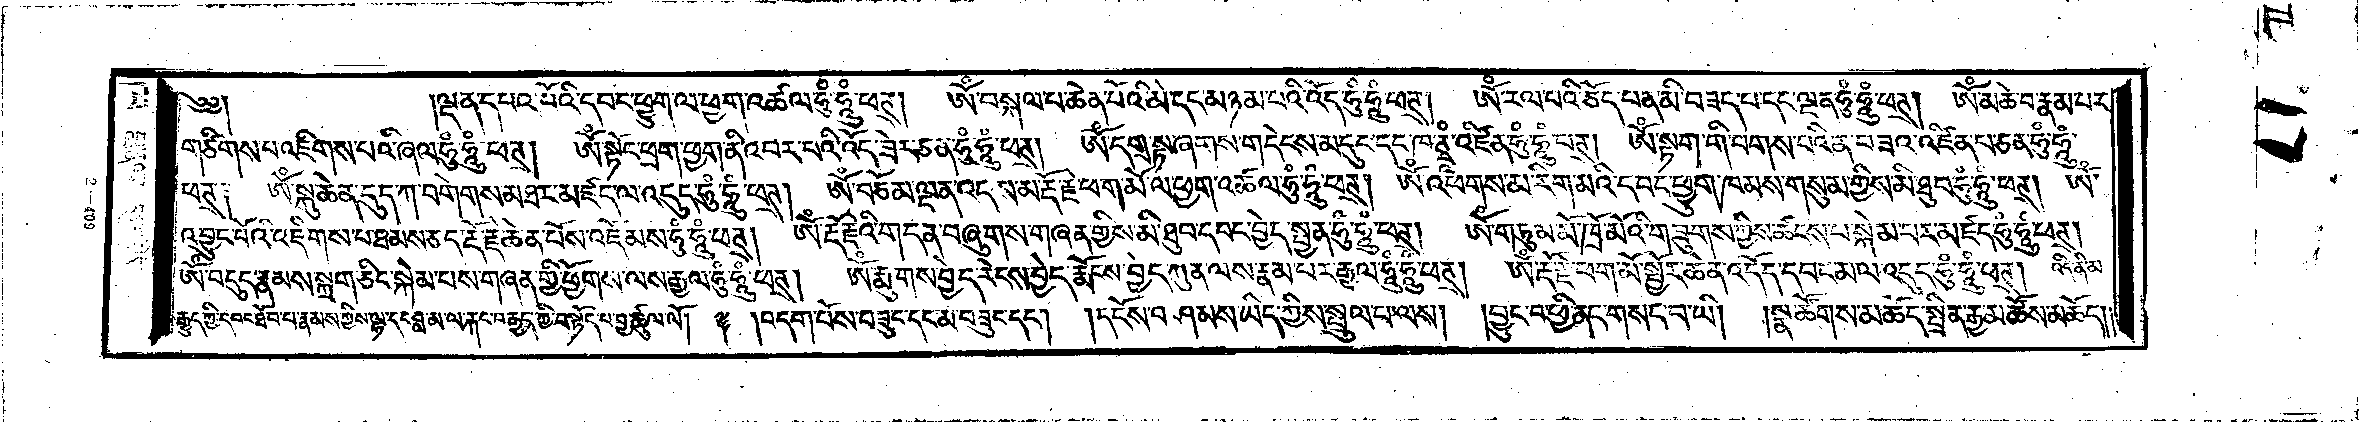༄༅། །ལྡན་དཔའ་པོའི་དབང་ཕྱུག་ལ་ཕྱག་འཚལ་ཧཱུཾ་ཧཱུཾ་ཕཊ། ཨོཾ་བསྐལ་པ་ཆེན་པོའི་མེ་དང་མཉམ་པའི་འོད་ཧཱུཾ་ཧཱུཾ་ཕཊ། ཨོཾ་རལ་པའི་ཅོད་པན་མི་བཟད་པ་དང་ལྡན་ཧཱུཾ་ཧཱུཾ་ཕཊ། ཨོཾ་མཆེ་བ་རྣམ་པར་
གཙིགས་པ་འཇིགས་པའི་ཞལ་ཧཱུཾ་ཧཱུཾ་ཕཊ། ཨོཾ་སྟོང་ཕྲག་ཕྱག་ནི་འབར་པའི་འོད་ཟེར་ཅན་ཧཱུཾ་ཧཱུཾ་ཕཊ། ཨོཾ་དགྲ་སྟ་ཞགས་དགེངས་མདུང་དང་ཁ་ཏྭཾ་འཛིན་ཧཱུཾ་ཧཱུཾ་ཕཊ། ཨོཾ་སྟག་གི་བགས་པའི་ན་བཟའ་འཛིན་པ་ཅན་ཧཱུཾ་ཧཱུཾ་
ཕཊ། ཨོཾ་སྐུ་ཆེན་དུད་ཀ་བགེགས་མཐར་མཛད་ལ་འདུད་ཧཱུཾ་ཧཱུཾ་ཕཊ། ཨོཾ་བཅོམ་ལྡན་འདས་མ་རྡོ་རྗེ་ཕག་མོ་ལ་ཕྱག་འཚལ་ཧཱུཾ་ཧཱུཾ་ཕཊ། ཨོཾ་འཕགས་མ་རིག་མའི་དབང་ཕྱུག་ཁམས་གསུམ་གྱིས་མི་ཐུབ་ཧཱུཾ་ཧཱུཾ་ཕཊ། ཨོཾ་
འབྱུང་པོའི་འཇིགས་པ་ཐམས་ཅད་རྡོ་རྗེ་ཆེན་པོས་འཇོམས་ཧཱུཾ་ཧཱུཾ་ཕཊ། ཨོཾ་རྡོ་རྗེའི་གདན་བཞུགས་གཞན་གྱིས་མི་ཐུབ་དབང་བྱེད་སྤྱན་ཧཱུཾ་ཧཱུཾ་ཕཊ། ཨོཾ་གཏུམ་མོ་ཁྲོ་མོའི་གཟུགས་ཀྱིས་ཚངས་བསྐེམ་པར་མཛད་ཧཱུཾ་ཧཱུཾ་ཕཊ།
ཨོཾ་བདུད་རྣམས་སྐྲག་ཅིང་སྐེམ་པས་གཞན་གྱི་ཕྱོགས་ལས་རྒྱལ་ཧཱུཾ་ཧཱུཾ་ཕཊ། ཨོཾ་རྨུགས་བྱེད་རེངས་བྱེད་རྨོངས་བྱེད་ཀུན་ལས་རྣམ་པར་རྒྱལ་ཧཱུཾ་ཧཱུཾ་ཕཊ། ཨོཾ་རྡོ་རྗེ་ཕག་མོ་སྦྱོར་ཆེན་འདོད་དབང་མལ་འདུད་ཧཱུཾ་ཧཱུཾ་ཕཊ། འདི་ནི་མ་
པ་རྣམས་ཀྱིས་ལྷ་དང་བླ་མ་ལ་རྐང་བརྒྱད་ཀྱི་བསྟོད་པ་བྱ་ཚུལ་ལོ། ༈ །བདག་པོས་བཟུང་དང་མ་བཟུང་དང་། །དངོས་བཤམས་ཡིད་ཀྱིས་སྤྲུལ་པ་ལས། །བྱུང་བ་ཕྱི་ནང་གསང་བ་ཡི། །སྣ་ཚོགས་མཆོད་སྤྲིན་རྒྱ་མཚོས་མཆོད།།